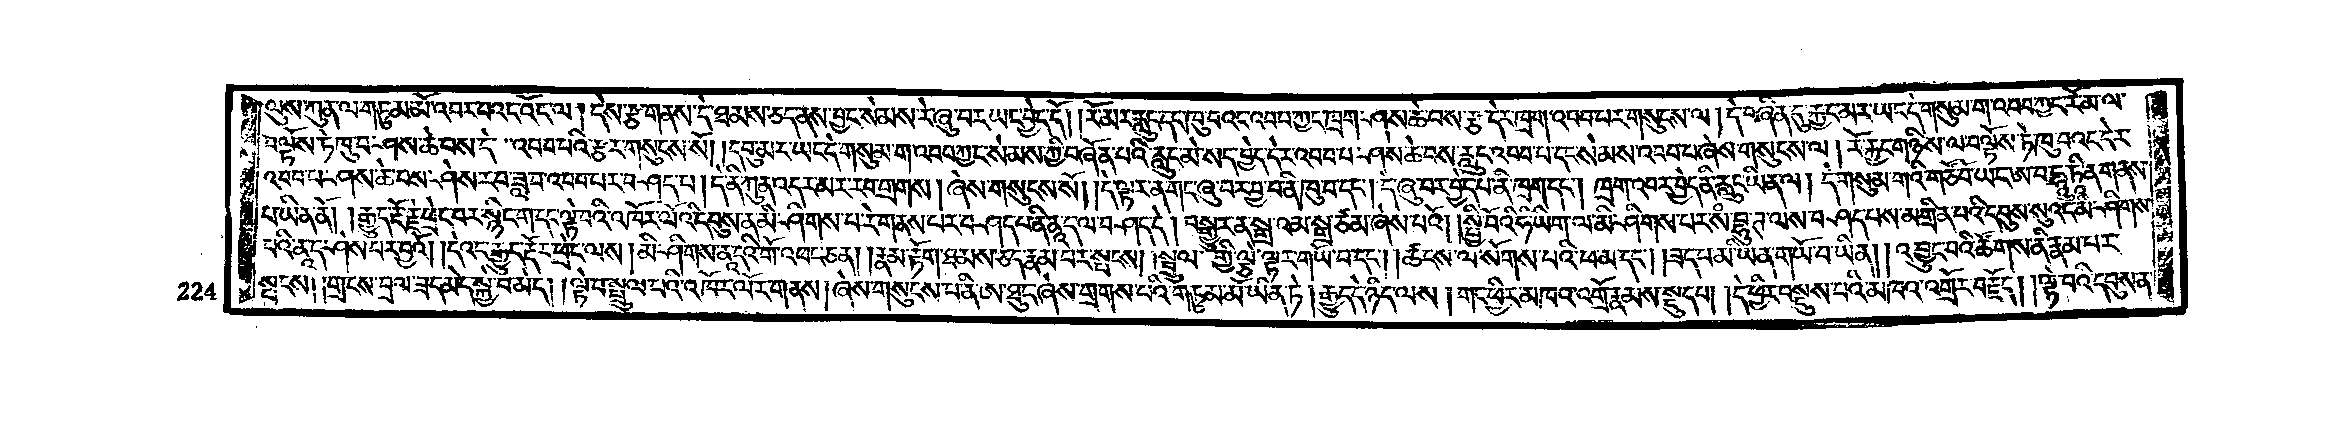ལུས་ཀུན་ལ་གཏུམ་མོ་འབར་བའང་འོང་ལ། དེས་རྩ་གནས་དེ་ཐམས་ཅད་ནས་བྱང་སེམས་རེ་ཞུ་བར་ཡང་བྱེད་དོ། །རོ་མར་རླུང་དང་ཁུ་བའང་ཀྱང་ཁྲག་ཤས་ཆེ་བས་རྩ་དེར་ཁྲག་འབབ་པར་གསུངས་ལ། དེ་བཞིན་དུ་རྐྱང་མར་ཡང་དེ་གསུམ་ག་འབབ་ཀྱང་རོ་མ་ལ་
བལྟོས་ཏེ་ཁུ་བ་ཤས་ཆེ་བས་དེ་འབབ་པའི་རྩར་གསུངས་སོ། །དབུ་མར་ཡང་དེ་གསུམ་ག་འབབ་ཀྱང་སེམས་ཀྱི་བཞོན་པའི་རླུང་མེ་སད་བྱེད་དེར་འབབ་པ་ཤས་ཆེ་བས་རླུང་འབབ་པ་དང་སེམས་འབབ་པ་ཞེས་གསུངས་ལ། རོ་རྐྱང་གཉིས་ལ་བལྟོས་ཏེ་ཁུ་བའང་དེར་
འབབ་པ་ཤས་ཆེ་བས་ཤེས་རབ་ཟླ་བ་འབབ་པར་བཤད་པ། དེ་ནི་ཀུན་འདར་མར་རབ་གྲགས། ཞེས་གསུངས་སོ། །དེ་ལྟར་ན་གང་ཞུ་བར་བྱ་བ་ནི་ཁུ་བ་དང་། དེ་ཞུ་བར་བྱེད་པ་ནི་ཁྲག་དང་། ཁྲག་འབར་བྱེད་ནི་རླུང་ཡིན་ལ། དེ་གསུམ་གའི་གཙོ་བོ་ཡང་ཨ་བ་དྷཱུ་ཏཱི་ན་གནས་
པ་ཡིན་ནོ། །རྒྱུད་རྡོ་རྗེ་ཕྲེང་བར་སྙིང་ག་དང་ལྟེ་བའི་འཁོར་ལོའི་དབུས་ན་མི་ཤིགས་པ་རེ་གནས་པར་བཤད་པ་ནི་ནཱ་ད་ལ་བཤད་དེ། བསྒྱུར་ན་སྒྲ་འམ་སྒྲ་ཙམ་ཞེས་པའོ། །སྤྱི་བོའི་ཧཾ་ཡིག་ལ་མི་ཤིགས་པར་སཾ་བྷུ་ཊ་ལས་བཤད་པས་མགྲིན་པའི་དབུས་སུའང་མི་ཤིགས་
པའི་ནཱ་ད་ཤེས་པར་བྱའོ། །དེའང་རྒྱུད་རྡོར་ཕྲེང་ལས། མི་ཤིགས་ནཱ་དའི་གོ་འཕང་ཅན། །རྣམ་རྟོག་ཐམས་ཅད་རྣམ་པར་སྤངས། །སྤྲུལ་གྱི་ལྕེ་ལྟར་གཡོ་བ་དང་། །ཚངས་ལ་སོགས་པའི་ཕ་མ་དང་། །ཟད་པ་མ་ཡིན་གཡོ་བ་ཡིན། །འབྱུང་བའི་ཚོགས་ནི་རྣམ་པར་
སྤངས། །གྲངས་བྲལ་ཟད་མེད་སྐྱེ་བ་མེད། །ལྟེ་བ་སྤྲུལ་པའི་འཁོར་ལོར་གནས། ཞེས་གསུངས་པ་ནི་ཨ་ཐུང་ཞེས་གྲགས་པའི་གཏུམ་མོ་ཡིན་ཏེ། རྒྱུད་དེ་ཉིད་ལས། གང་ཕྱིར་མཁའ་འགྲོ་རྣམས་སྡུད་པ། །དེ་ཕྱིར་བསྡུས་པའི་མཁའ་འགྲོར་བརྗོད། །ལྟེ་བའི་དབུས་ན་